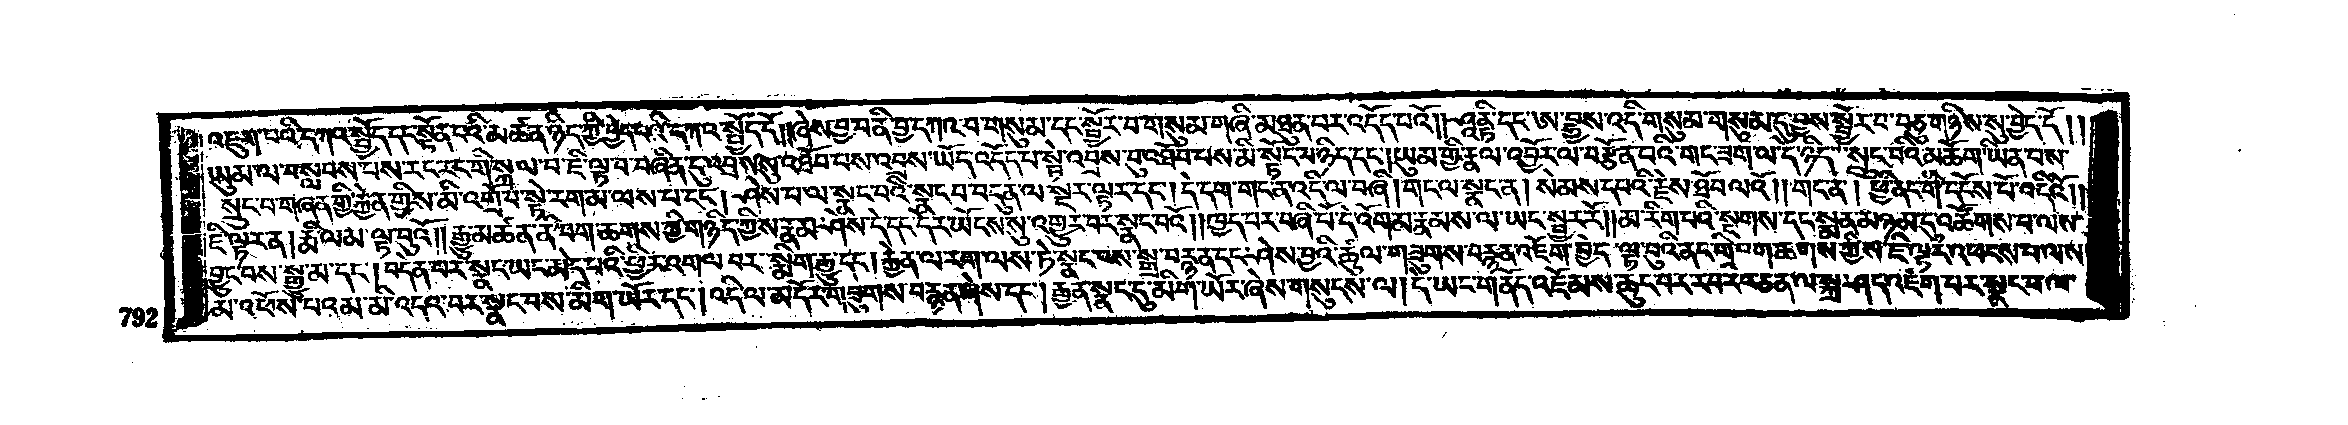འཇུག་པའི་དཀའ་སྤྱོད་དང་སྟོན་པའི་མཚན་ཉིད་ཀྱི་བྱེད་པའི་དཀའ་སྤྱོད་དོ། །ཞེས་བྱ་བ་ནི་བྱ་དཀའ་བ་གསུམ་དང་སྦྱོར་བ་གསུམ་གཞི་མཐུན་པར་འདོད་པའོ། །ཤཱནྟི་དང་ཨ་བྷྱས་འདི་གསུམ་གསུམ་དུ་བྱས་སྦྱོར་བ་བཅུ་གཉིས་སུ་བྱེད་དོ། །
ཡུམ་ལ་བསླབས་པས་རང་རང་གི་སྐལ་པ་ཇི་ལྟ་བ་བཞིན་དུ་འབྲས་བུ་འཐོབ་པས་འབྲས་ཡོད་འདོད་པ་སྟེ་འབྲས་བུ་འཐོབ་པས་མི་སྟོང་པ་ཉིད་དང་། ཡུམ་གྱི་རྣལ་འབྱོར་ལ་བརྩོན་པའི་གང་ཟག་ལ་དེ་ཉིད་སྲུང་བའི་མཆོག་ཡིན་པས་
སྲུང་བ་གཞན་གྱི་རྐྱེན་གྱིས་མི་འགྲོ་བ་སྟེ་རག་མ་ལས་པ་དང་། ཤེས་པ་ལ་སྣང་བའི་སྣང་བ་བདུན་ལ་སྔར་ལྟར་དང་། དེ་དག་གང་ན་འདི་ལ་བཞི། གང་ལ་སྣང་ན། སེམས་དཔའི་རྗེས་ཐོབ་ལའོ། །གང་ན། ཕྱི་ནང་གི་དངོས་པོ་འདིའོ། །
ཇི་ལྟར་ན། རྨི་ལམ་ལྟ་བུའོ། །རྒྱུ་མཚན་ནི་བག་ཆགས་ཀྱི་གཉིད་ཀྱིས་རྣམ་ཤེས་དེ་དང་དེར་ཡོངས་སུ་འགྱུར་བར་སྣང་བའོ། །ཁྱད་པར་བཞི་པོ་དེ་འོག་མ་རྣམས་ལ་ཡང་སྦྱར་རོ། །མ་རིག་པའི་སྔགས་དང་སྨན་མཉམ་དུ་འཚོགས་པ་ལས་
བྱུང་བས་སྒྱུ་མ་དང་། བདེན་པར་སྣང་ཡང་མེད་པའི་ཕྱིར་འགལ་བར་སྨིག་རྒྱུ་དང་། རྐྱེན་ལ་རག་ལས་ཏེ་སྣང་བས་སྒྲ་བརྙན་དང་ཤེས་བྱའི་ཚུལ་གཟུགས་བརྙན་འཇོག་བྱེད་ལྟ་བུའི་ནང་གི་བག་ཆགས་ཀྱིས་ཇི་ལྟར་འཕངས་པ་ལས་
མ་འཕོས་པའམ་མི་འདའ་བར་སྣང་བས་མིག་ཡོར་དང་། འདི་ལ་མདོར་གཟུགས་བརྙན་ཞེས་དང་། རྒྱན་སྣང་དུ་མིག་ཡོར་ཞེས་གསུངས་ལ། དེ་ཡང་གནོད་འཇོམས་ཆུང་བར་རབ་རིབ་ཅན་ལ་སྐྲ་ཤད་འཛག་པར་སྣང་བ་ལ་